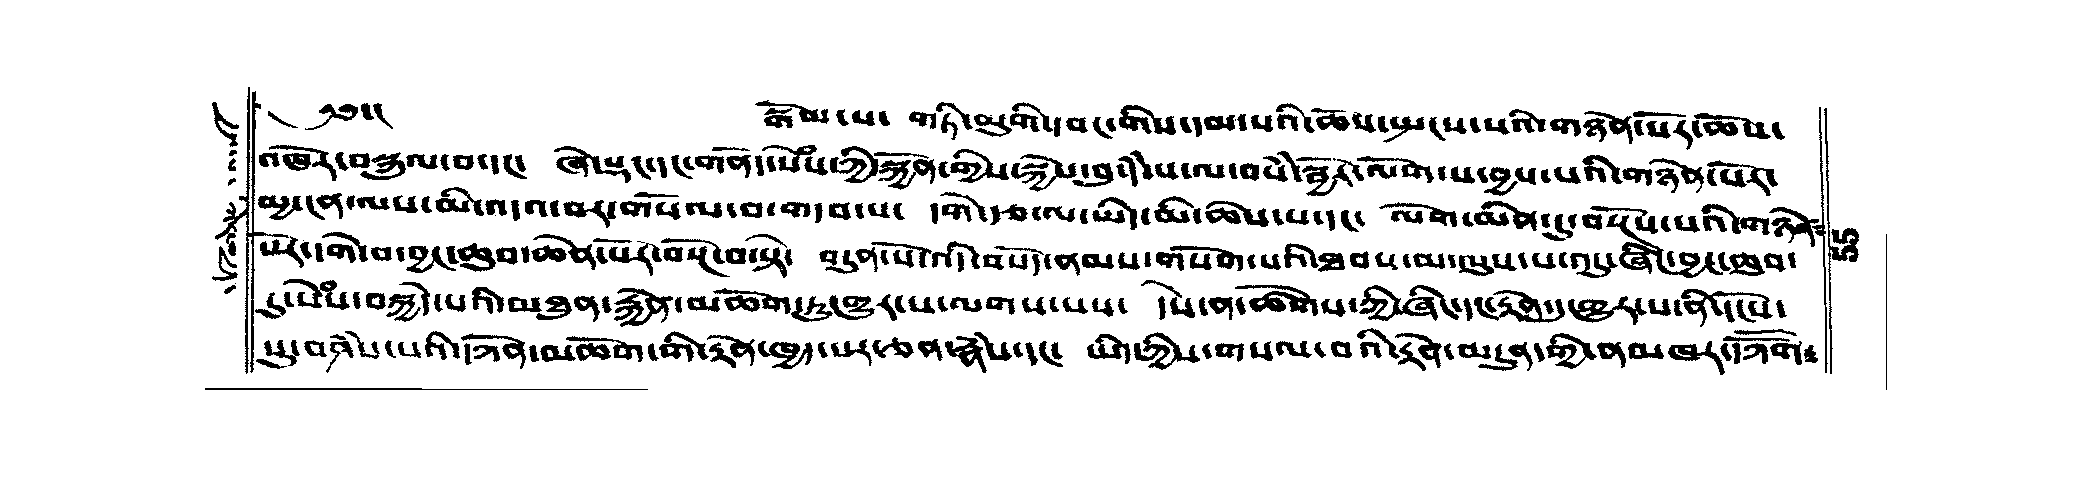སྒོམ་པ། གཏི་མུག་གི་དབང་གིས་དམ་པའི་ཆོས་སྤངས་པའི་གཉེན་པོར་ཆོས་
འཁོར་བསྐུལ་བ་དང་། ཞེ་སྡང་དང་གནོད་སེམས་ཀྱི་སྐྱོན་གྱིས་སྐྱེད་བུ་དམ་པ་ལ་བསམ་སྦྱོར་ལོག་པ་བྱས་པའི་གཉེན་པོར་
མྱ་ངན་ལས་མི་འདའ་བར་གསོལ་བ་གདབ་པ།དགེ་རྩ་ལ་ཡིད་མི་ཆེས་པ་དང་། ལོག་མིན་དུ་བསྔོས་པའི་གཉེན་
པོར་དགེ་བ་བྱང་ཆུབ་ཆེན་པོར་བསྔོ་བ་སྟེ། བདུན་པོ་འདི་བསོད་ནམས་གསོག་པའི་ཐབས་མ་ལུས་པ་འདུ་ཞིང་བྱང་ཆུབ་
དུ་སེམས་བསྐྱེད་པའི་མཐུན་རྐྱེན་མཆོག་ཏུ་གྱུར་པ་ལགས་པས། དེས་ན་ཚོགས་ཀྱི་ཞིག་དང་རྟེན་དུ་གྱུར་པ་ནི་དངོས་
སུ་བཤམས་པའི་དཀོན་མཆོག་གི་རྟེན་ཁྱད་པར་ཅན་རྣམས་དང་། ཡིད་ཀྱིས་གསལ་བའི་རྟེན་མདུན་གྱི་ནམ་མཁར་དཀོན་མཆོག་